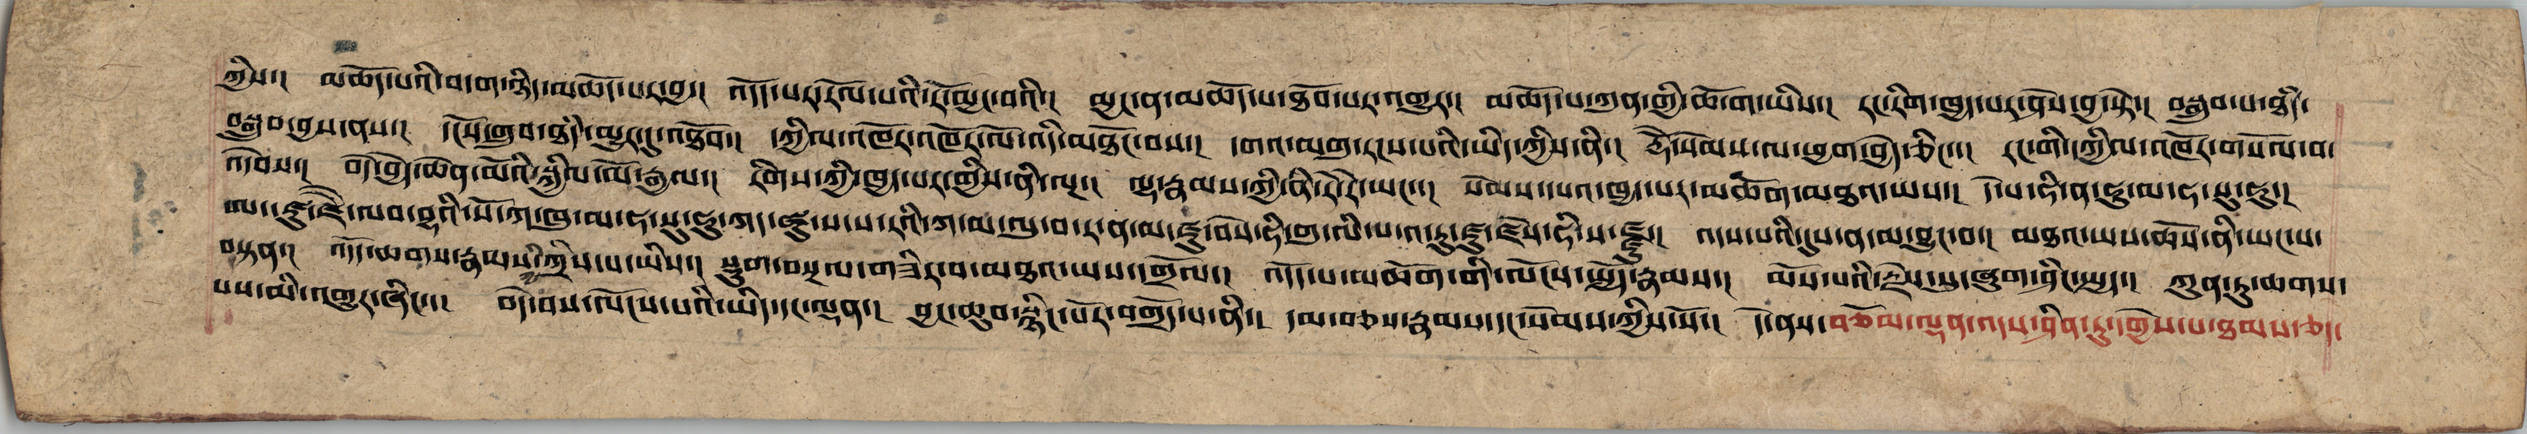ཀྱིས་། མཆོད་པའི་བདག་ཉིད་མཆོད་པར་བྱ་། འདོད་པར་རོལ་པའི་རོ་མྱང་བའི་། མྱང་ན་མཆོད་པ་ཐོབ་པར་འགྱུར་། མཆོད་པ་ཀུན་གྱི་ཆོ་ག་ཡིས་། རང་རིག་ཁྱད་པར་ཤེས་བྱ་སྟེ་། བསྒྲུབ་པ་ཐཾད་
བསྒྲུབ་བྱས་ནས་། དངོས་གྲུབ་ཐཾད་མྱུར་དུ་འཐོབ་། དཀྱིལ་འཁོར་འཁོར་ལོ་འདི་མཐོང་བས་། དགའ་མགུ་རངས་པའི་ཡིད་ཀྱིས་ནི་། རྡོེ་སེམས་ལ་ཕྱག་བྱེད་ཅིང་་། རང་གི་དཀྱིལ་འཁོར་གསོལ་བ་
འདེབས་། བདེ་བྱེད་ཆེན་མོའི་སྐྱིལ་མོ་རྒྱལ་། རིགས་ཀྱི་ཁྱད་པར་གྱིས་ནི་ལྔ་། ལྷ་རྣམས་ཀྱི་ནི་རེ་རེ་ཡང་་། སེམས་དཔའ་ཁྱད་པར་མཆོག་མཐའ་ཡས་། དེ་པ་ཧི་ན་ཧུ་མ་ཧ་སུ་ཧུ་།
ཨད་ཛུ་ཛཻ་ལབ་བྷའི་སོ་ཀ་ཁུ་མ་ཧ་སུ་ཧུ་ཀད་ཛུ་ས་ས་རའི་ཀ་མ་ལུ་བ་ར་ན་མ་ཛུ་བསེ་ཧི་གུ་ལི་ས་འ་རུ་ཛུ་ཛོས་ཧི་ས་ཛྫུ་། འདས་པའི་དུས་ན་མ་བྱུང་བ་། མཐའ་ཡས་ཆོས་ནི་ཡང་པ་
བསྟན་། འདོད་ཆགས་རྣམས་ཀྱི་ཀྲིས་པ་ཡིས་། སྡུག་བསྔལ་གཟིར་བ་མཐའ་ཡས་དགྲོལ་། འདོད་པ་མཆོག་གི་ལོངས་སྤྱོད་རྣམས་། མོས་པའི་རྗེས་སུ་ཞུག་ཤིང་སྤྱད་། ཀུན་ཏུ་ཆགས་
པས་མི་འགྱུར་ཞིང་་། བདེ་བས་ལོངས་པའི་ཡིད་དང་ལྡན་། བྱང་ཆུབ་སྙིང་པོར་བགྲོད་པ་ནི་། དམ་བཅས་རྣམས་དང་སེམས་ཀྱིས་སོ་། དེ་ནས་བཅོམ་ལྡན་འདས་ཤིན་ཏུ་དགྱེས་པ་ཐམས་ཅད་